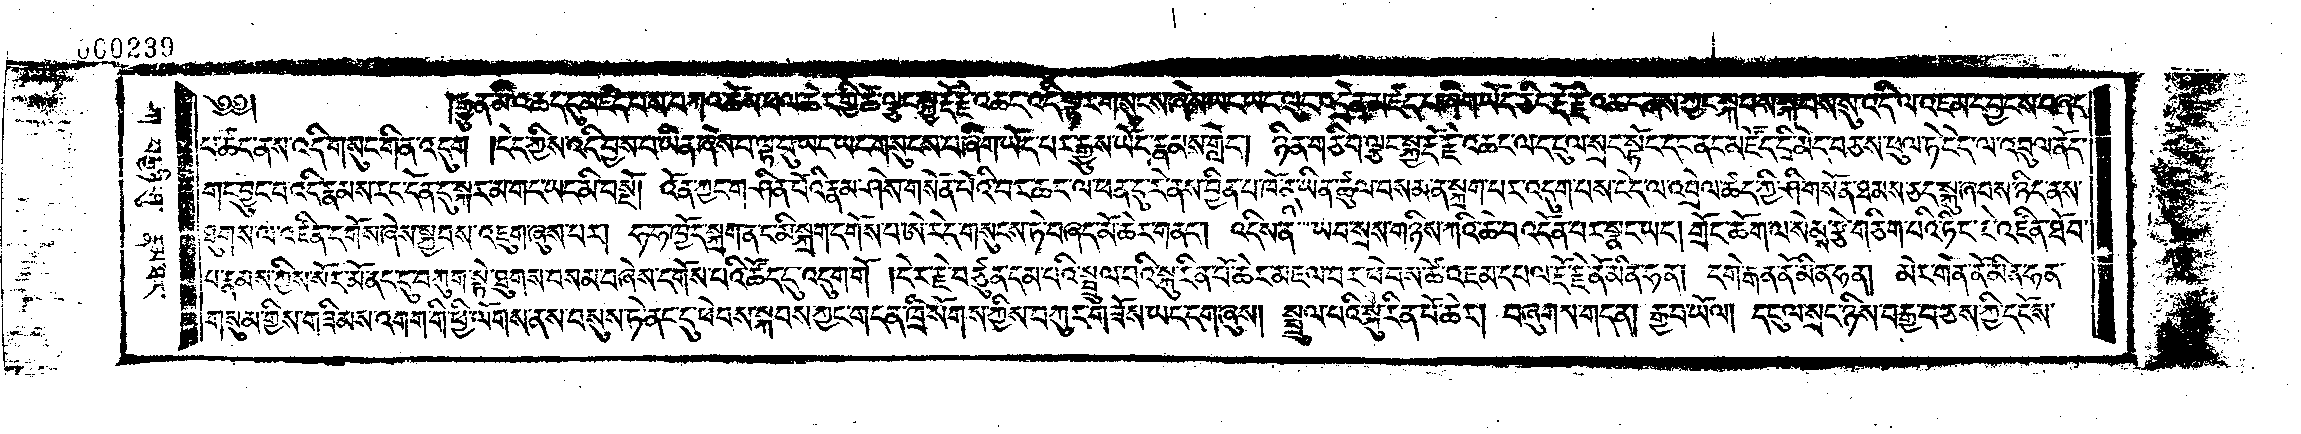༄༅། །རྒྱུན་མི་འཆད་དུ་མཛད་པས་བཀའ་ཆོས་ཕལ་ཆེར་གྱི་ཆོ་ལྕང་སྐྱ་རྡོ་རྗེ་འཆང་འདི་ལྟར་གསུངས་ཞེས་ཡང་ཡང་ལུང་འདྲེན་མཛད་པ་ཞིག་ཡོད་ཅིང་རྡོ་རྗེ་འཆད་ནས་ཀྱང་སྐབས་སྐབས་སུ་འདི་ལ་འཇམ་དབྱངས་བཞད་
པ་ཚང་ནས་འདི་གསུང་གིན་འདུག །ངེད་ཀྱིས་འདི་བྱས་པ་ཡིན་ཞེས་པ་ལྟ་བུ་ཡང་ཡང་གསུངས་པ་ཞིག་ཡོད་པར་རྒྱུས་ཡོད་རྣམས་གླེང་། ཉིན་གཅིག་ལྕང་སྐྱ་རྡོ་རྗེ་འཆང་ལ་དངུལ་སྲང་སྟོང་དང་ནང་མཛོད་དྲི་མེད་བཅས་ཕུལ་ཏེ་ངེད་ལ་འབུལ་ནོད་
གང་བྱུང་བ་འདི་རྣམས་རང་དོན་དུ་སྐར་མ་གང་ཡང་མི་བསྔོ། འོན་ཀྱང་གཤིན་པོའི་རྣམ་ཤེས་གསོན་པོའི་བར་ཆང་ལ་ཕན་དུ་རེ་ནས་བྱིན་པ་ཁོ་ན་ཡིན་ཚུལ་བསམ་ན་སྐྲག་པར་འདུག་པས་ངེད་ལ་འབྲེལ་ཚད་ཀྱི་ཤི་གསོན་ཐམས་ཅད་སྐུ་ཞབས་ཉིད་ནས་
ཐུགས་ལ་འཛིན་དགོས་ཞེས་སྐྱབས་འཇུག་ཞུས་པར། ཧ་ཧ་ཁྱོད་སྐྲག་ནང་མི་སྐྲག་དགོས་པ་ཨེ་རེད་གསུངས་ཏེ་བཞད་མོ་ཆེར་གནང་། འདིས་ནི་ཡབ་སྲས་གཉིས་ཀའི་ཆེ་བ་འདོན་པར་སྣང་ཡང་། གྲོང་ཆོག་ལ་སེམས་རྩེ་གཅིག་པའི་ཏིང་ངེ་འཛིན་ཐོབ་
པ་རྣམས་ཀྱིས་སོར་མོ་ནང་དུ་བཀུག་སྟེ་ཐུགས་བསམ་བཞེས་དགོས་པའི་ཚོད་དུ་འདུག་གོ །དེར་རྗེ་བཙུན་དམ་པའི་སྦྲུལ་པའི་སྐུ་རིན་པོ་ཆེར་མཇལ་བར་ཕེབས་ཚེ་འཇམ་དཔལ་རྡོ་རྗེ་ནོ་མིན་ཧན། དགེ་རྒན་ནོ་མིན་ཧན། མེང་གེན་ནོ་མིན་ཧན་
གསུམ་གྱིས་གཟིམས་འགག་གི་ཕྱི་ལོགས་ནས་བསུས་ཏེ་ནང་དུ་ཕེབས་སྐབས་ཀྱང་གདན་ཁྲི་སོགས་ཀྱིས་བཀུར་གཟོས་ཡང་ངག་ཞུས། སྤྲུལ་པའི་སྐུ་རིན་པོ་ཆེར། བཞུགས་གདན། རྒྱབ་ཡོལ། དངུལ་སྲང་ཉིས་བརྒྱ་བཅས་ཀྱི་དངོས་